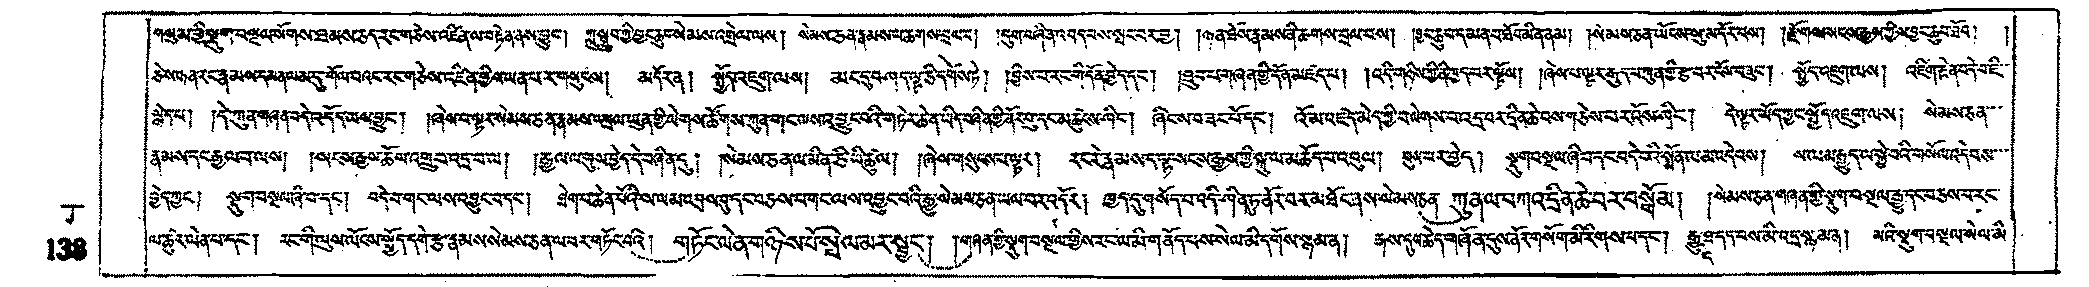གསུམ་གྱི་སྡུག་བསྔལ་སོགས་ཐམས་ཅད་རང་གཅེས་འཛིན་ལ་བརྟེན་ནས་བྱུང་། ཀླུ་སྒྲུབ་ཀྱི་བྱང་ཆུབ་སེམས་འགྲེལ་ལས། སེམས་ཅན་རྣམས་ལ་ཆགས་བྲལ་བ། །དུག་བཞིན་འབད་པས་སྤང་བར་བྱ། །ཉན་ཐོས་རྣམས་ནི་ཆགས་བྲལ་བས། །བྱང་ཆུབ་དམན་པ་ཐོབ་མིན་ནམ། །སེམས་ཅན་ཡོངས་སུ་མདོར་བས། །རྫོགས་སངས་རྒྱས་ཀྱིས་བྱང་ཆུབ་ཐོབ། །
ཅེས་ཉན་རང་རྣམས་དམན་ལམ་དུ་གོལ་བའང་རང་གཅེས་འཛིན་གྱིས་ལན་པར་གསུངས། མདོར་ན། སྤྱོད་འཇུག་ལས། མང་དུབ་ཤད་ལྟ་ཅི་དགོས་ཏེ། །བྱིས་པ་རང་གི་དོན་བྱེད་དང་། །ཐུབ་པ་གཞན་གྱི་དོན་མཛད་པ། །འདི་གཉིས་ཀྱི་ནི་ཁྱད་པར་ལྟོས། །ཞེས་ལྟར་རྒྱུད་པ་ཀུན་གྱི་རྩ་བར་ངོས་བཟུང་། སྤྱོད་འཇུག་ལས། འཇིག་རྟེན་བདེ་བ་ཇི་་་
སྙེད་པ། །དེ་ཀུན་གཞན་བདེ་འདོད་ལས་བྱུང་། །ཞེས་པ་ལྟར་སེམས་ཅན་རྣམས་འཕྲལ་ཡུན་གྱི་ལེགས་ཚོགས་ཀུན་གང་ལས་འབྱུང་བའི་གཏེར་ཆེན་ཡིད་བཞིན་གྱི་ནོར་བུ་དང་མཚུངས་ཤིང་། ཞིང་ས་བཟང་པོ་དང་། འོ་མ་འཛད་མེད་ཀྱི་བ་ལེགས་པ་འདྲ་བར་དྲིན་ཆེ་བས་གཅེས་པར་འོས་ཤིང་། དེ་ལྟར་མོད་ཀྱང་སྤྱོད་འཇུག་ལས། སེམས་ཅན་་་
རྣམས་དང་རྒྱལ་བ་ལས། སངས་རྒྱས་ཆོས་འགྲུབ་འདྲ་བ་ལ། །རྒྱལ་ལ་གུས་བྱེད་དེ་བཞིན་དུ། །སེམས་ཅན་ལ་མིན་ཅི་ཡི་ཚུལ། །ཞེས་གསུངས་པ་ལྟར། རང་རེ་རྣམས་ད་ལྟ་སངས་རྒྱས་ཀྱི་སྐུ་ལ་མཆོད་པ་འབུལ། གུས་པར་བྱེད། སྡུག་བསྔལ་ཞི་བ་དང་བདེ་བའི་སྨོན་ལམ་འདེབས། ས་ལམ་རྒྱུད་ལ་སྐྱེ་བའི་གསོལ་འདེབས་་་
བྱེད་ཀྱང་། སྡུག་བསྔལ་ཞི་བ་དང་། བདེ་བ་གང་ལས་འབྱུང་བ་དང་། ཐེག་པ་ཆེན་པོའི་ལམ་འབྲས་བུ་དང་བཅས་པ་གང་ལས་འབྱུང་བའི་རྒྱུ་སེམས་ཅན་ཡལ་བར་འདོར། ཁྱད་དུ་གསོད་པ་འདི་ཤིན་ཏུ་ནོར་བར་མཐོང་ནས་སེམས་ཅན་ཀུན་ལ་བཀའ་དྲིན་ཆེ་བར་བསྒོམ། །སེམས་ཅན་གཞན་གྱི་སྡུག་བསྔལ་རྒྱུ་དང་བཅས་པ་རང་་་
ལ་ཚུར་ལེན་པ་དང་། རང་གི་ལུས་ལོངས་སྤྱོད་དགེ་རྩ་རྣམས་སེམས་ཅན་ལ་ཕར་གཏོང་བའི། གཏོང་ལེན་གཉིས་པོ་སྤེལ་མར་སྦྱངས། །གཞན་གྱི་སྡུག་བསྔལ་གྱིས་རང་ལ་མི་གནོད་པས་སེལ་མི་དགོས་སྙམ་ན། རྒས་དུས་ཆེད་གཞོན་དུས་ནོར་གསོག་མི་རིགས་པ་དང་། རྒྱུད་ཐ་དད་པས་མི་འདྲ་སྙམ་ན། མའི་སྡུག་བསྔལ་སེལ་མི་